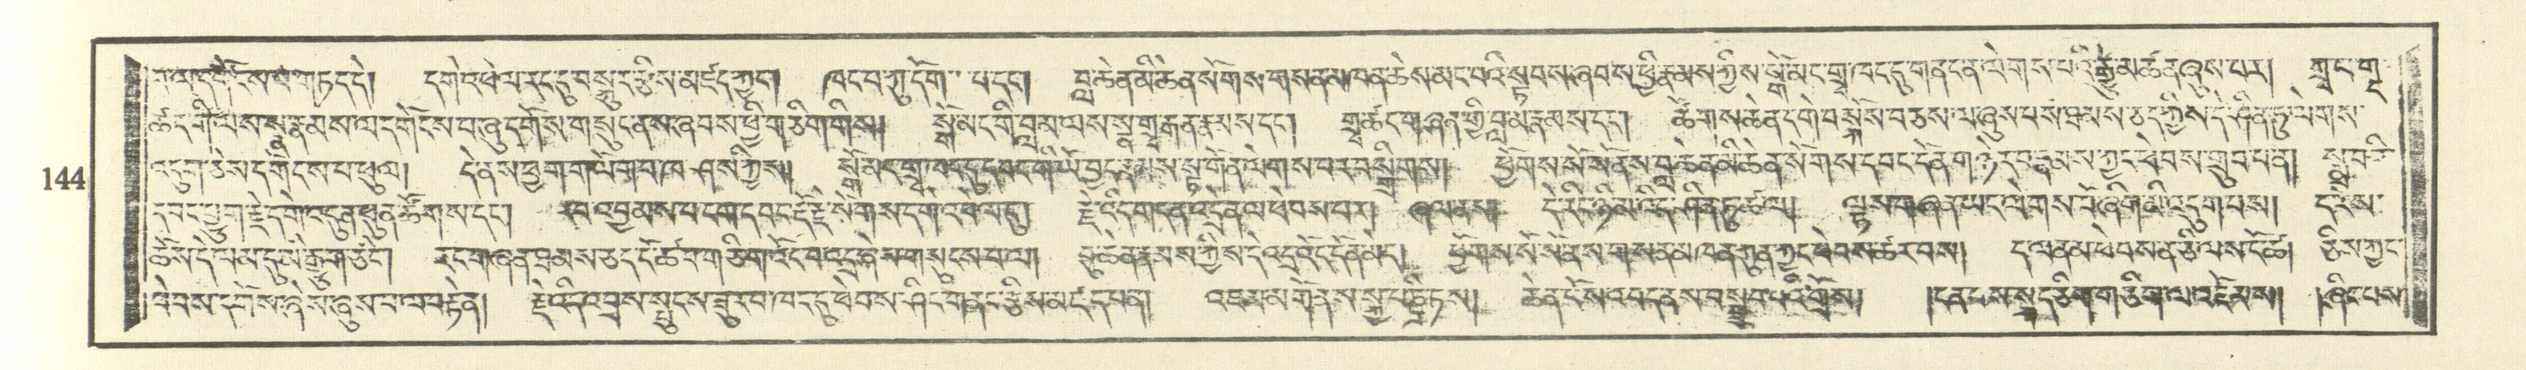བ་ལ་དགོངས་པ་གཏད་དེ། དགེ་འཕེལ་རང་དུ་བསྐུར་རྩིས་མཛད་ཀྱང་། ཁང་པ་ཀུ་དོག་པ་དང་། བླ་ཆེན་མི་ཆེན་སོགས་གསན་མཁན་ཆེས་མང་བའི་སྟབས་ཞབས་ཕྱི་རྣམས་ཀྱིས་སྒོ་མང་གྲྭ་ཁང་དུ་གནང་ན་ལེགས་པའི་རྒྱུ་མཚན་ཞུས་པར། གྲྭ་ས་གྲྭ་
ཚང་གི་ལས་སྣ་རྣམས་ལ་དགོངས་པ་ཞུ་དགོས་གསུང་ནས་ཞབས་ཕྱི་གཅིག་གིས། སྒོ་མང་གི་བླ་མ་ལས་སྣ་གྲྭ་རྒན་རྣམས་དང་། གྲྭ་ཚང་གཞན་གྱི་བླ་མ་རྣམས་དང་། ཚོགས་ཆེན་དགེ་བསྐོས་བཅས་ལ་ཞུས་པས་ཐམས་ཅད་ཀྱིས་དེ་ཤིན་ཏུ་ལེགས་
འདུག་ཅེས་དགོངས་པ་ཕུལ། དེ་ནས་ཕྱག་གཡོག་པ་ཁ་ཤས་ཀྱིས། སྒོ་མང་གྲྭ་ཁང་དུ་དབང་གི་ཡོ་བྱད་རྣམས་སྟ་གོན་ལེགས་པར་བསྒྲིགས། ཕྱོགས་སོ་སོ་ནས་བླ་ཆེན་མི་ཆེན་སོགས་དབང་དོན་གཉེར་བ་རྣམས་ཀྱང་ཕེབས་གྲུབ་པ་ན། སྨྲ་བའི་
དབང་ཕྱུག་རྗེ་དགེ་འདུན་ཕུན་ཚོགས་དང་། རབ་འབྱམས་པ་ངག་དབང་རྡོ་རྗེ་སོགས་དགེ་འཕེལ་དུ། རྗེ་འདི་གདན་འདྲེན་ལ་ཕེབས་པར། ཞལ་ནས། དེ་རིང་ཉི་མ་འདི་ཤིན་ཏུ་ཚལ། ལྟས་གཞན་ཡང་ལེགས་པོ་ཞིག་མི་འདུག་པས། ད་རེས་
ཆོས་དེ་ལམ་དུ་མི་རྒྱུག་ཅིང་། རང་གཞན་ཐམས་ཅད་ངོ་ཚ་བ་གཅིག་འོང་བ་འདྲ་ཞེས་གསུངས་པ་ལ། བུ་ཆེན་རྣམས་ཀྱིས་དེ་འདྲ་འོད་དོན་མེད། ཕྱོགས་སོ་སོ་ནས་གསན་མཁན་ཀུན་བྱུང་ཕེབས་ཚར་བས། ད་ལ་ནམ་ཕེབས་ན་ཅི་ལས་ངོ་ཚ། ཅིས་ཀྱང་
ཕེབས་དགོས་ཞེས་ཞུས་པ་ལ་བརྟེན། རྗེ་འདི་འབྲས་སྤུངས་ཟུར་བ་ཁང་དུ་ཕེབས་ཤིང་གནང་རྩིས་མཛད་པ་ན། འཇམ་མགོན་ས་སྐྱ་པཎྜི་ཏས། ཆེན་པོས་འབད་ནས་བསྒྲུབ་བའི་གྲོས། །ངན་པས་སྐད་ཅིག་གཅིག་ལ་འཇོམས། །ཞིང་པས་